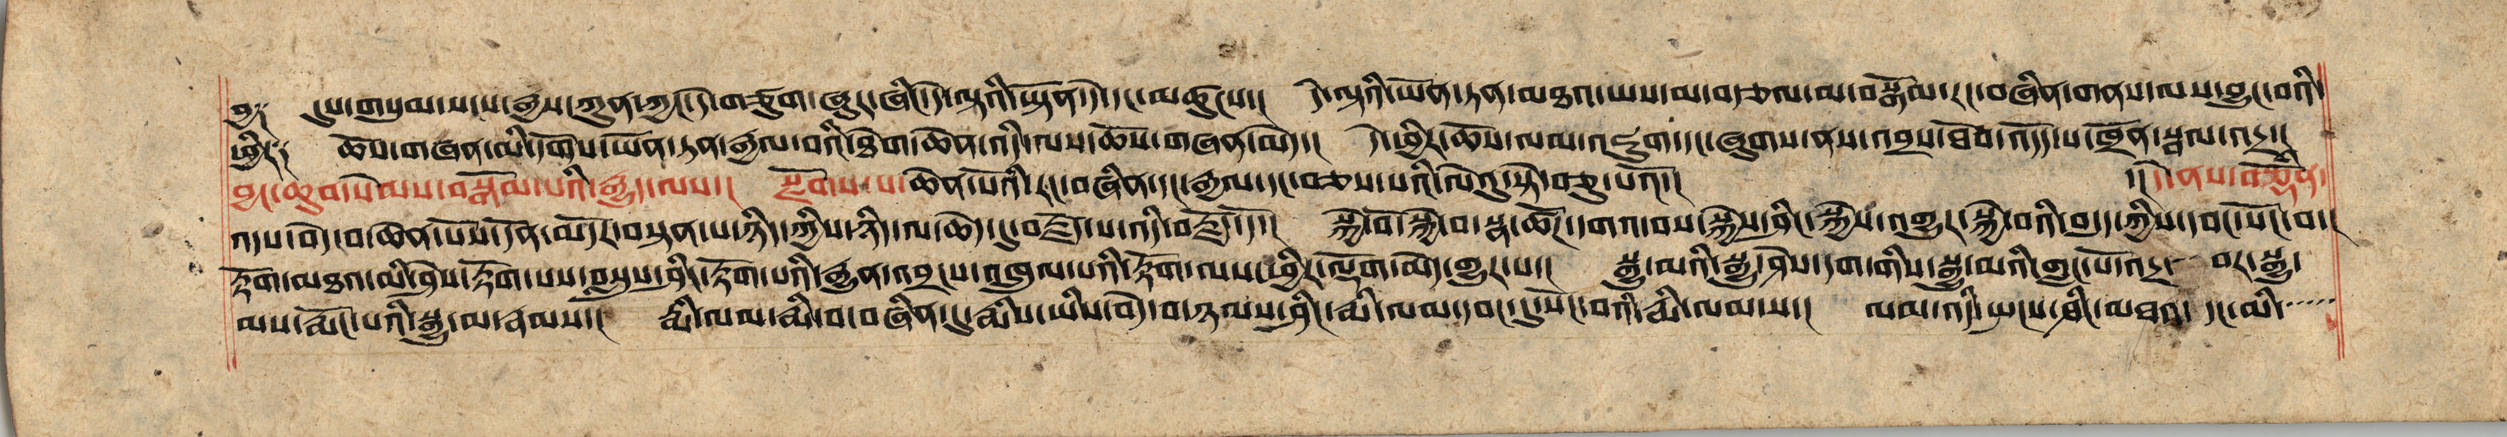བྱ༑ དུས་གསུམ་སངས་རྒྱས་ཀུན་ཀྱང་དེ་གཙུག་ཞུར་ཞིང་དེ་ལྟའི་ཡྟོན་དེ་དང་མཚུངས་། དེ་ལྟའི་ཡོན་ཏན་མཐའ་ཡས་མ་བརྩལ་མ་བསྒོམ་རང་བཞིན་གནས་ལས་བྱུང་བའི་
ཕྱིར༑ ཆོས་གཞན་མི་དགོས་ཡོན་ཏན་རྒྱལ་བའི་ཐེག་ཆེན་འདི་ལས་ཆོས་གཞན་མེད་། དེ་ཕྱིར་ཆོས་ལམ་འཇུག་དང་ཞུགས་ནས་འབྲས་ཐོབ་འདོད་པ་ཁྲོན་སྦལ་འདྲ་།
བྱང་ཆུབ་སེམས་བསྒོམ་པའི་རྒྱུད་ལས་། སྫོགས་པ་ཆེན་པོའི་རང་བཞིན་དང་རྒྱལ་དང་བཅས་པའི་ལེའུ་སྟེ་བཅུ་པའོ་། ་།དེ་ནས་བཅྡོཾན་
འདས་བདེ་བ་ཆེན་པོས་དོན་མདོར་བསྟན་པ་ཉིད་ཀྱིས་ཉིད་ལ་ཆེད་དུ་བརྗོད་པ་འདི་བརྗོད་དོ་། སྐྱེ་བོ་སྐྱེ་བ་སྣ་ཚོཌ་དགའ་བས་སྐྱེས་ཤིང་སྐྱེས་འགྱུར་སྐྱེ་བའི་བདུད་ཀྱིས་དབང་སོང་བ་།
རྟོག་མཐའ་མི་ཤེས་རྟོག་པས་བསླུས་ཤིང་རྟོག་པའི་རྒྱུན་འབྲངས་འཁྲུལ་པའི་རྟོག་ལས་ཕྱིར་ལྡོག་མེད་གྱུར་པ་། སྒྱུ་མའི་སྒྱུ་ཤེས་དག་གིས་སྒྱུ་མའི་གླང་པོ་འདྲ་བར་སྒྱུ་
ལས་རྨོང་པའི་སྒྱུ་མ་རྣམས་། རྨི་ལམ་རྨི་བ་བཞིན་དུ་རྨིས་ཡིས་བདེ་བ་ཉམས་ཤིང་རྨི་ལམ་དབང་དུ་སོང་བའི་རྨི་ལམ་ས་། ལམ་འདི་སྤངས་ཤིང་མཐའ་ དང་མི་